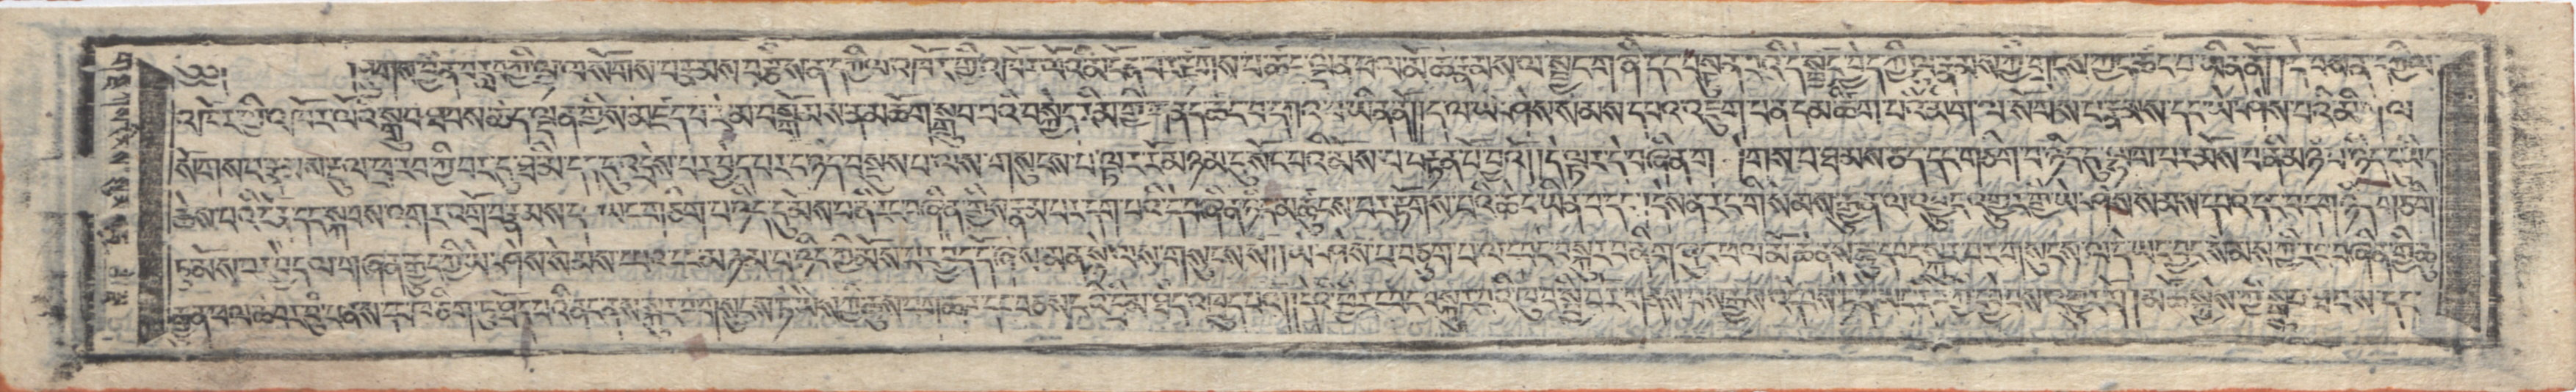༄༅། །ཐུགས་བྱིན་བརླབ་ཀྱི་ལྷ་ལ་སོགས་པ་རྣམས་བརྩིས་ན་དཀྱིལ་འཁོར་གྱི་འཁོར་ལོའི་མངོན་པར་རྟོགས་པ་ཚད་ལྡན་ཕལ་མོ་ཆེ་རྣམས་ལ་སྦྱང་གཞི་དང་བསྟུན་པའི་དེ་སྦྱོང་བྱེད་ཀྱི་ལྷ་རྣམས་ཀྱི་གྲངས་ཀྱང་ཚང་བ་ཡིན་ནོ། །དེ་བས་ན་དཀྱིལ་
འཁོར་གྱི་འཁོར་ལོའི་སྒྲུབ་ཐབས་ཚད་ལྡན་གྱིས་མཛད་པ་རེ་མ་བསྒོམས་ན་མཆོག་སྒྲུབ་པའི་བསྐྱེད་རིམ་གྱི་གནད་ཚང་བ་དཀའ་བ་ཡིན་ནོ། །དེ་ལ་ཡེ་ཤེས་སེམས་དཔའ་འཇུག་པ་ན་དམ་ཚིག་པའི་མིག་ལ་སོགས་པ་རྣམས་དང་ཡེ་ཤེས་པའི་མིག་ལ་
སོགས་པ་རྣམས་རྡུལ་ཕྲ་རབ་ཀྱི་བར་དུ་ཐ་མི་དད་དུ་འདྲེས་པར་བྱེད་པར་དེ་ཉིད་བསྡུས་པ་ལས་གསུངས་པ་ལྟར་རོ་མཉམ་དུ་སོང་བའི་མོས་པ་བརྟན་པོ་བྱའོ། །དེ་ལྟར་དེ་བཞིན་གཤེགས་པ་ཐམས་ཅད་དང་གཅིག་བ་ཉིད་དུ་ལྷག་པར་མོས་པ་ནི་མཉམ་བ་ཉིད་དུ་ཡིད་
ཆེས་པའི་དོན་དང་སྐབས་འགར་འགྲོ་བ་རྣམས་དང་ཡང་གཅིག་པ་ཉིད་དུ་མོས་པ་ནི་རང་བཞིན་གྱིས་རྣམ་པར་དག་པའི་དེ་བཞིན་ཉིད་མཚུངས་པར་རྟོགས་པའི་ཆེད་ཡིན་པ་དང་། དེས་ན་རང་གི་སེམས་རྒྱུན་ལ་འབྱུང་འགྱུར་གྱི་ཡེ་ཤེས་སེམས་དཔའ་དང་བདག་ཉིད་གཅིག་
ཏུ་མོས་པར་བྱཻད་ལ་གཞན་རྒྱུད་ཀྱི་ཡེ་ཤེས་སེམས་དཔའ་དང་མཉམ་པ་ཉིང་ཀྱི་མོས་པར་བྱེད་དོ་ཞེས་མན་སྙེ་ལས་གསུངས་སོ། །ཡེ་ཤེས་པ་བཅུག་པ་ལ་དབང་བསྐུར་བ་ནི་གཞུང་ཕལ་མོ་ཆེ་ནས་ཆུ་དབང་སྐུར་བར་གསུངས་ལ་དེ་ཡང་བྱང་སེམས་ཀྱི་རང་བཞིན་གྱི་ཆུ་
རྒྱུན་ཕལ་ཆེ་བར་བུཾ་པ་ནས་དང་ཁ་ཅིག་ཏུ་ཐོད་པའི་ནང་ནས་སྐུར་བ་གསུངས་ཏེ་ཡེས་ཀྱི་ཆུས་བག་ཆཌ་དང་བཅས་པའི་དྲི་མ་ཐམས་ཅད་འཁྲུད་པའོ། །དེའི་ཕྱིར་དབང་བསྐུར་བའི་ཁུ་བ་སྤྱི་བོར་གནས་པས་རྒྱས་འདེབས་ཏེ་དེ་ཡང་རིཌ་ཀྱི་དབྱེ་བས་འགྱུར་རོ། །མཚོ་སྐྱེས་ཀྱི་སྒྲུབ་ཐབས་དང་